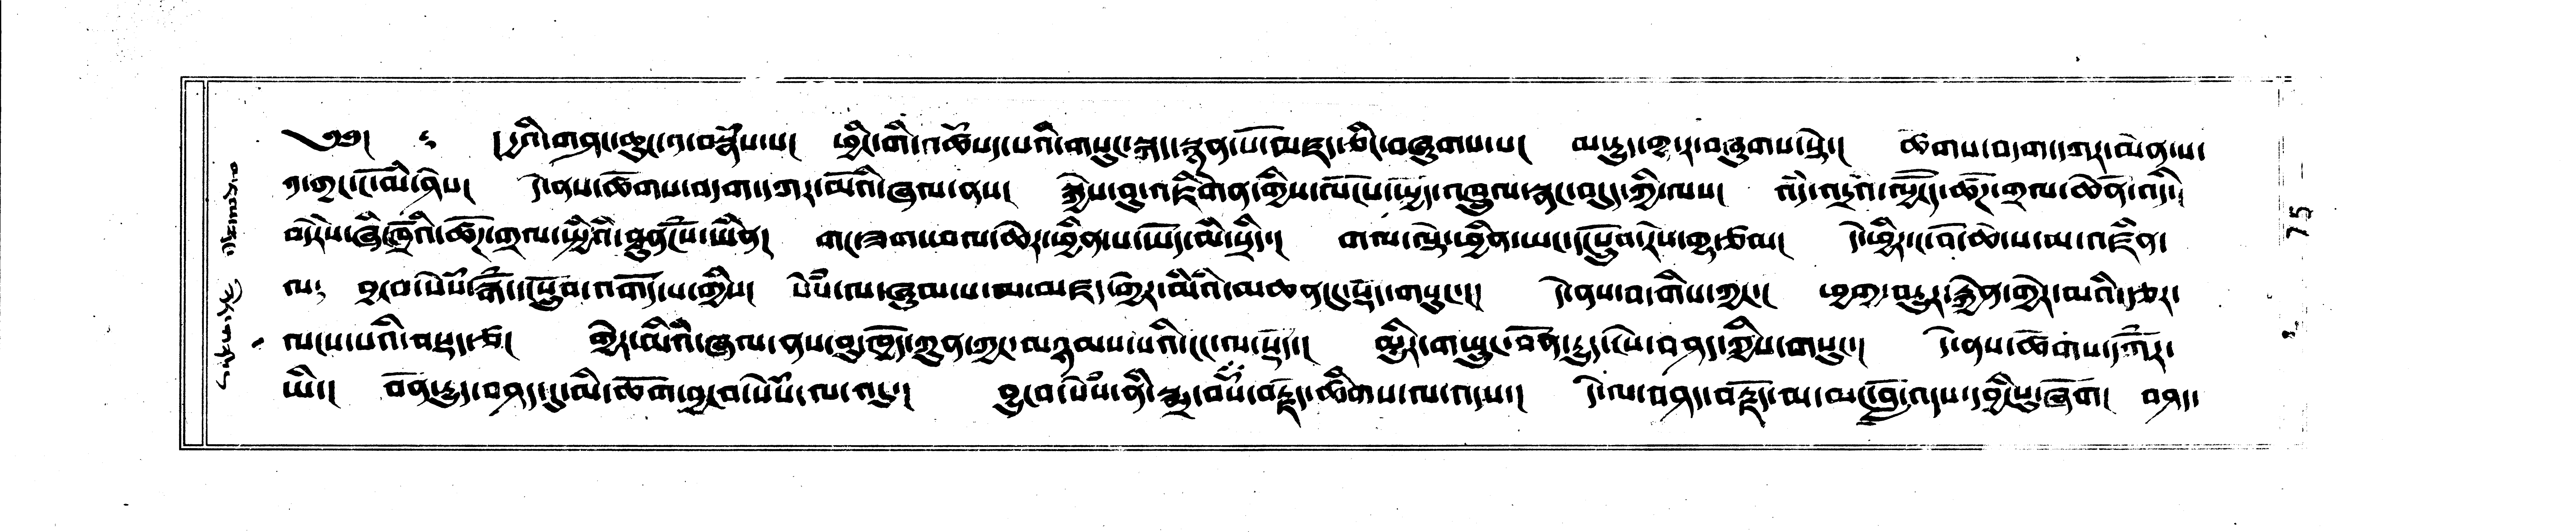གཤང་ཆུང་གཅིག་བསྣམས་པ། ཕྱི་ནང་གི་འཚམས་བཅད་པའི་གསུང་སྐད་སྙན་པོ་མཛད་ཅིང་བཞུགས་པ། མ་རྒྱུད་གྷ་ར་བཞུགས་སྟེ། ཚོགས་བདག་དཀར་མོ་མེན་པ་
གཅིག་ཀྱང་ངོ་མི་ཤེས། དེ་ནས་ཚོགས་བདག་དཀར་མོའི་ཞལ་ནས། སྐྱེས་བུ་འཇིག་རྟེན་གྱི་ལོངས་སྤྱོད་འཁྲུལ་སྣང་བདུད་ཀྱི་ལས། འདི་འདྲའི་ལོངས་སྤྱོད་ཚོགས་གྲལ་ཆེན་པོ་འདི། 
བདེར་གཤེགས་ཞི་ཁྲོའི་ཚོགས་གྲལ་སྤྱིའི་ཐུན་མོངས་ཡིན། གང་ཟག་ཕལ་ཆེར་ཕྱིན་པ་ཡོད་མི་སྲིད། གལ་ཏེ་ཕྱིན་ཡང་དངོས་གྲུབ་རེས་གྷ་ཙམ། དེ་ཕྱིར་ང་བོ་ཆེ་ས་མ་འཛིན་
ལ། བྱང་ཆུབ་སེམས་སྒོམ་དངོས་གྲུབ་འགོད་པ་གྱིས། སེམས་ལ་ཞུམ་པ་མ་མཛད་གྱེར་མིའི་མཆན་དུ་སྡོད་གསུངས། དེ་ནས་བདག་གིས་ཀྱང་། ཕྱག་རྒྱ་བསྒྱུར་རྐྱེན་གྱེར་མའི་རྩར་
ལངས་པའི་བསྡད་ཙ། གྱེར་མིའི་ཞལ་ནས་བུ་ཁྱོད་ཀུན་ཀྱང་མཉམ་པའི་ངང་ལ་སྡོད། མི་འགྱུར་གཡུང་དྲུང་བོན་རྒྱུད་ངས་བཤད་ཀྱིས་གསུང་། དེ་ནས་ཚོགས་༼བདག༽དཀར་མོ་
ཡི། བོན་རྒྱུད་བཤད་དུ་མི་ཆོག་བྱང་ཆུབ་སེམས་ལ་འདུ། བྱང་ཆུབ་སེམས་ནི་སྨྲ་བརྗོད་ཚིགས་ལས་འདས། དེ་ལ་བཤད་བརྗོད་མ་མང་བློ་འདས་དབྱིངས་སུ་ཞོག བཤད་